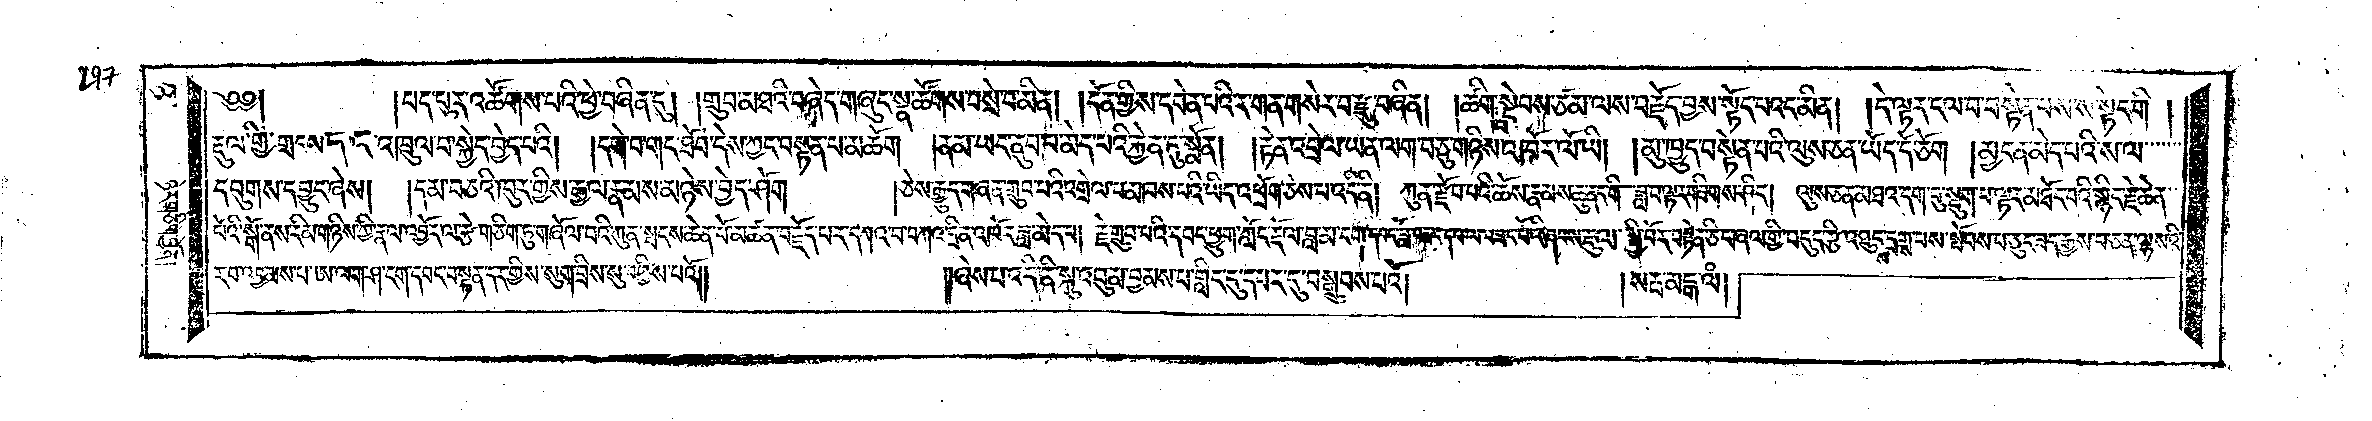༄༅། །པད་པུར་འཚོགས་པའི་ཕྱེ་བཞིན་དུ། །གྲུབ་མཐའི་བཞེད་གཞུང་སྣ་ཚོགས་བསྲེ་བ་མིན། །དོན་གྱིས་དབེན་པའི་ར་གན་གསེར་བརྫུ་བཞིན། །ཚིག་བསྡེབས་ཙམ་ལས་བརྗོད་བྱས་སྟོང་པའང་མིན། །དེ་ལྟར་ངལ་བ་བསྟེན་པས་ས་སྟེང་གི །
རྡུལ་གྱི་གྲངས་དང་འཁྲུལ་བ་སྐྱེད་བྱེད་པའི། །དགེ་བ་གང་ཐོབ་དེས་ཀྱང་བསྟན་པ་མཆོག །ནམ་ཡང་ནུབ་པ་མེད་པའི་རྐྱེན་ཏུ་སྨོན། །རྟེན་འབྲེལ་ཡན་ལག་བཅུ་གཉིས་འཁོར་ལོ་ཡི། །མུ་ཁྱུད་བསྟེན་པའི་ལུས་ཅན་ཡོད་དོ་ཅོག །མྱ་ངན་མེད་པའི་ས་ལ་
དབུགས་དབྱུང་ཞེས། །དམ་བཅའི་ཁུར་གྱིས་རྒྱལ་རྣམས་མཉེས་བྱེད་ཤོག །ཅེས་རྒྱུད་གཞན་གྲུབ་པའི་འགྲེལ་པ་མཁས་པའི་ཡིད་འཕྲོག་ཅེས་པ་འདི་ནི། ཀུན་རྫོབ་པའི་ཆོས་རྣམས་ཆུ་ནང་གི་ཟླ་བ་ལྟར་གཟིགས་ཤིང་། ལུས་ཅན་མཐའ་དག་བུ་སྡུག་པ་ལྟར་མཐོང་བའི་སྙིང་རྗེ་ཆེན་
པོའི་སྒོ་ནས་རིམ་གཉིས་ཀྱི་རྣལ་འབྱོར་ལ་རྩེ་གཅིག་ཏུ་གཞོལ་བའི་ཀུན་སྤངས་ཆེན་པོ་མཚན་བརྗོད་པར་དཀའ་བ་བཀའ་དྲིན་འཁོར་ཟླ་མེད་པ། རྗེ་གྲུབ་པའི་དབང་ཕྱུག་ཀློང་རྡོལ་བླ་མ་ངག་དབང་བློ་བཟང་དཔལ་བཟང་པོའི་ཞབས་རྡུལ་སྤྱི་བོར་བསྟེན་ཅིང་ཞལ་གྱི་བདུད་རྩི་འཐུངས་དྲགས་པས་སྤོབས་པ་ཅུང་ཟད་རྒྱས་པ་ཅན་ལྷ་སའི་
རབ་འབྱམས་པ་ཨ་ལག་ཤ་ངག་དབང་བསྟན་དར་གྱིས་སུག་བྲིས་སུ་བགྱིས་པའོ།། །།ཞེས་པ་འདི་ནི་སྐུ་འབུམ་བྱམས་པ་གླིང་དུ་དཔར་དུ་བསྒྲུབས་པའོ། །སརྦ་མངྒ་ལཾ།